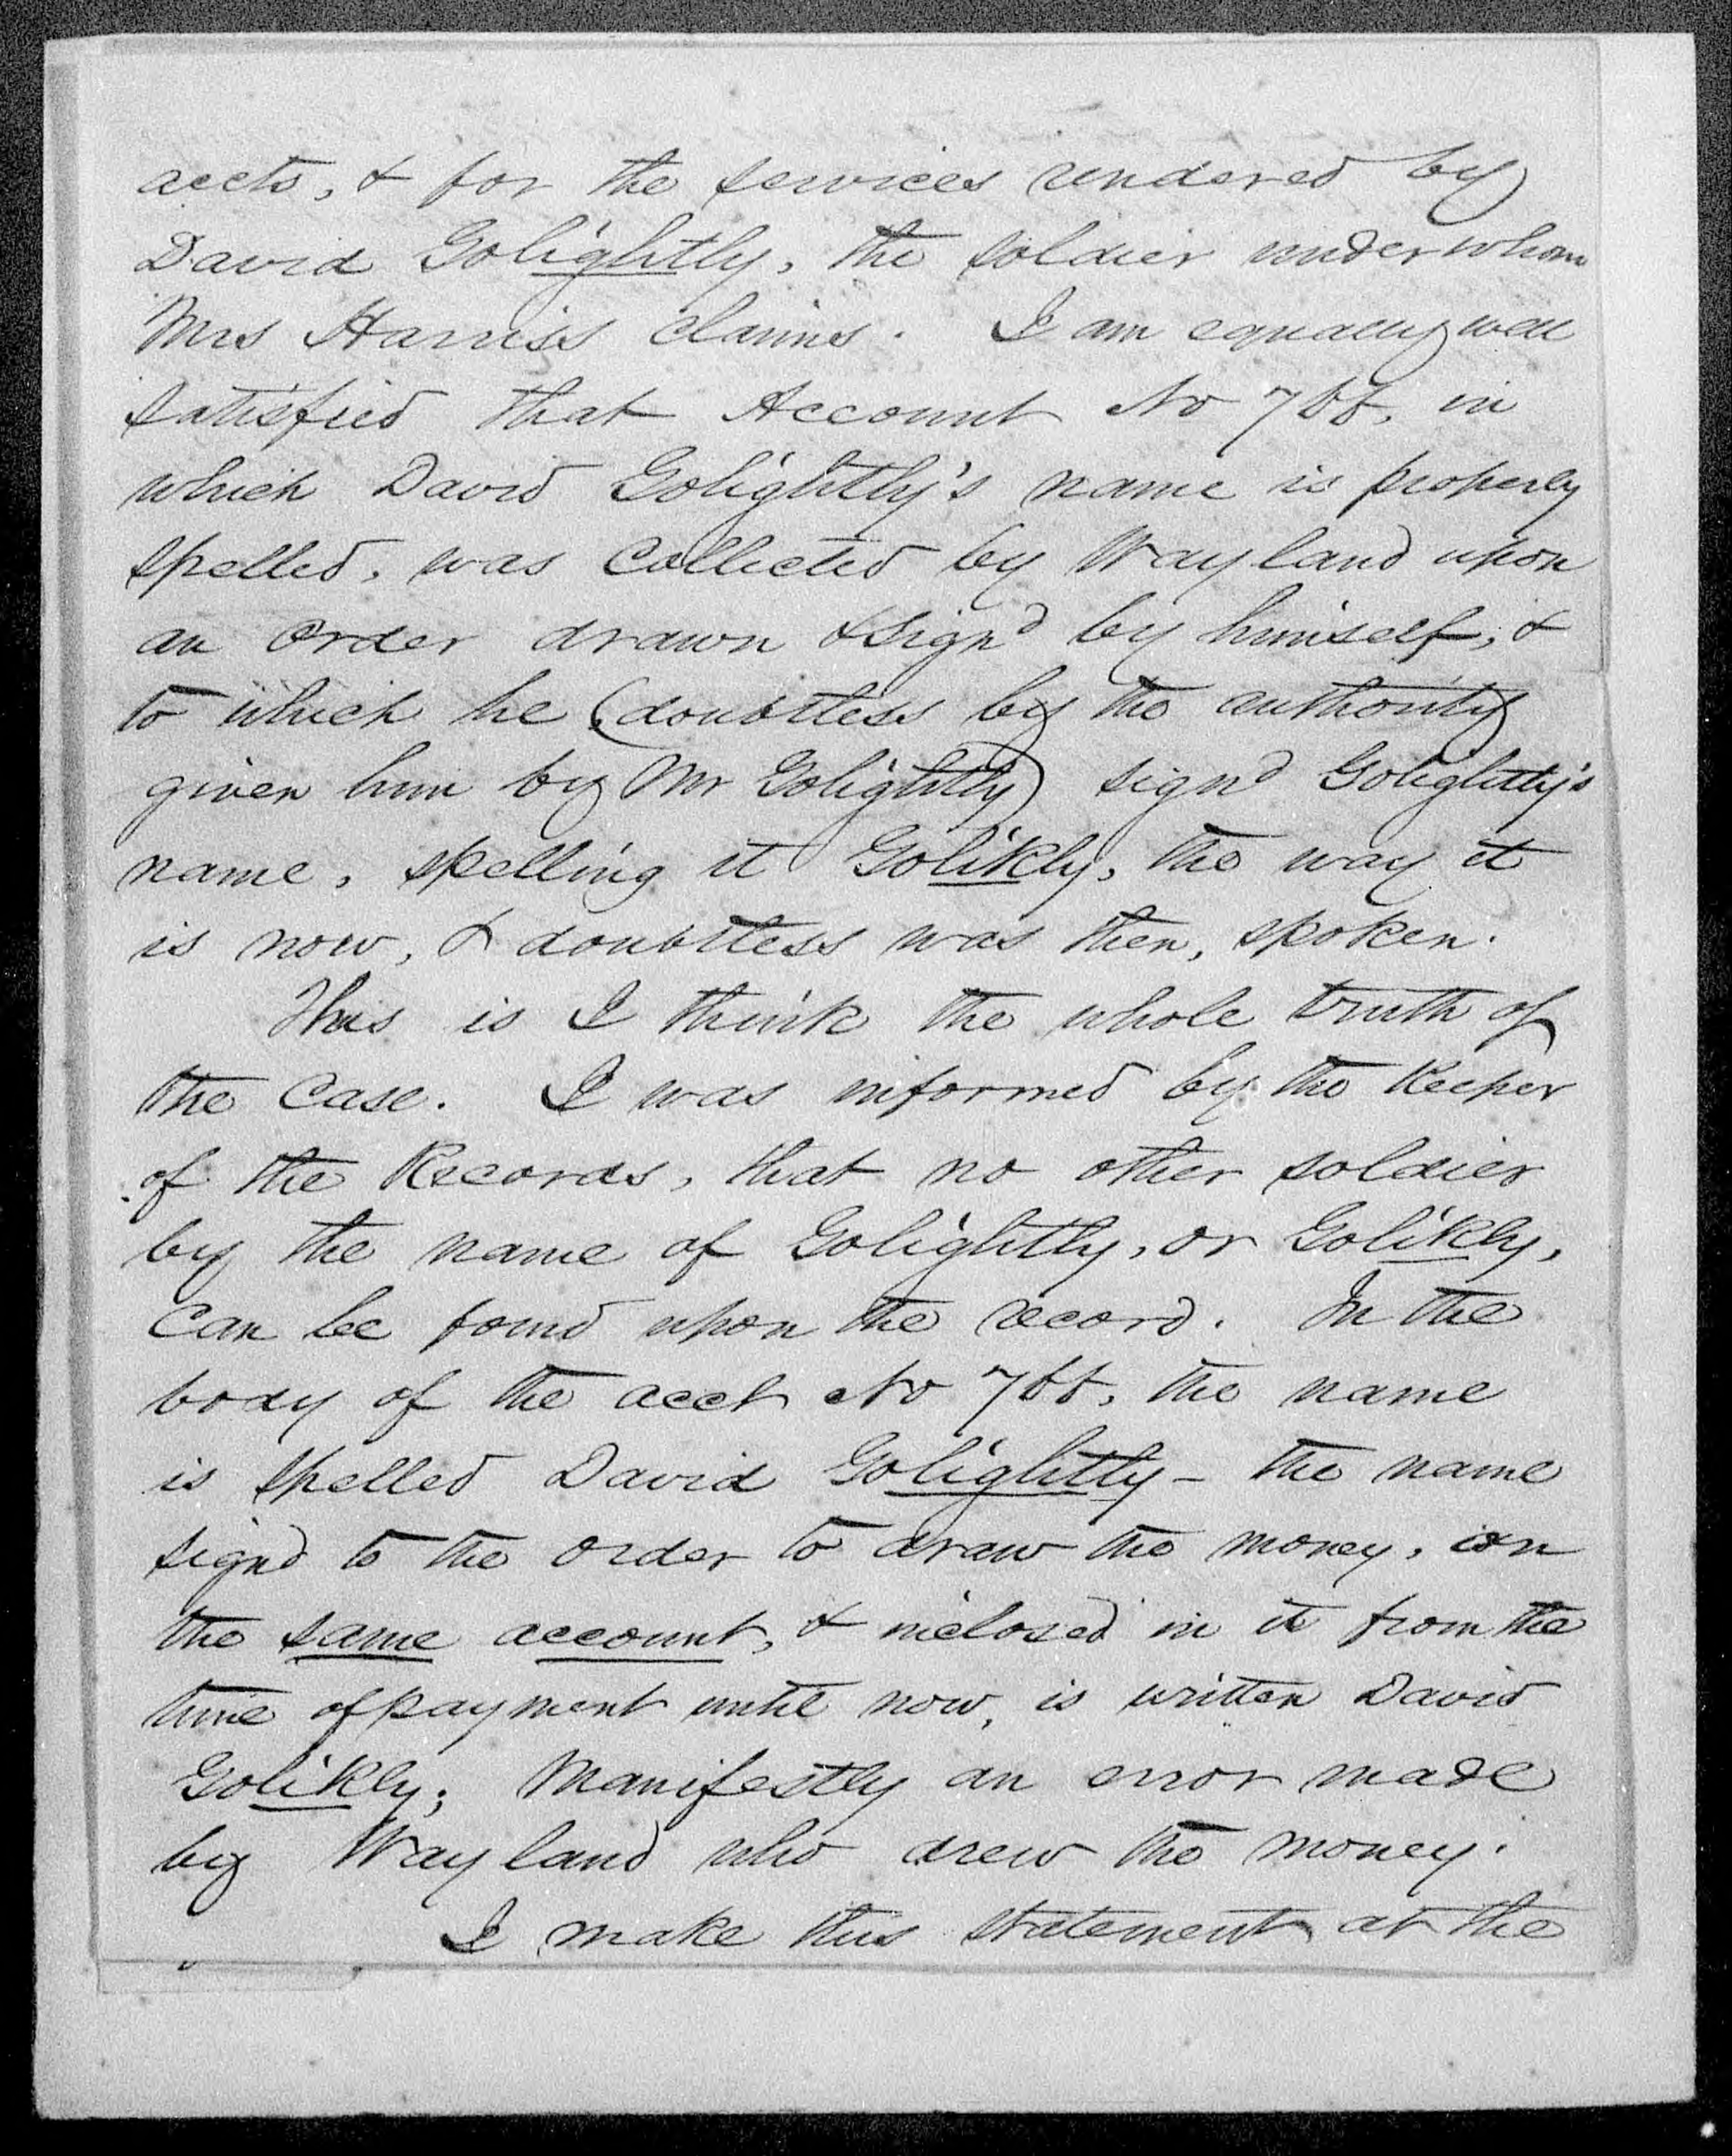accts, & for the services rendered by
David Golightly, the soldier under whom
Mrs. Harriss climas.  I ma equally well
satisfied that Account No 700, in
which David Golightly's name is properly
spelled, was collected by Wayland upon
an order drawn & signd by himself, &
to which he (doubtless by the authority
given him by Mr. Golightly) signd Golightly's 
name, spelling it Golikly, the way it
is now, & I doubtless was then, spoken.
This is I think the whole truth of
the case.  I was informed by the keeper
of the Records, that no other soldier
by the name of Golightly, or Golikly,
can be found upon the record.  In the
body of the acct No 7--, the name
is spelled David golightly - the name
signd to the order to draw the money, on
the same account, & inclosed in it from the
time of payment until now, is written David
Golikly; manifestly an error made
by Wayland who drew the money.
I make this statement at the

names: Golightly, Harriss, David Golightly, David Golightly, David Golightly, Golightly, David Golikly, Golikly, Golightly, Golikly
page: 28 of 57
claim: survivor's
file: S. 18888, David Golightly, S.C.